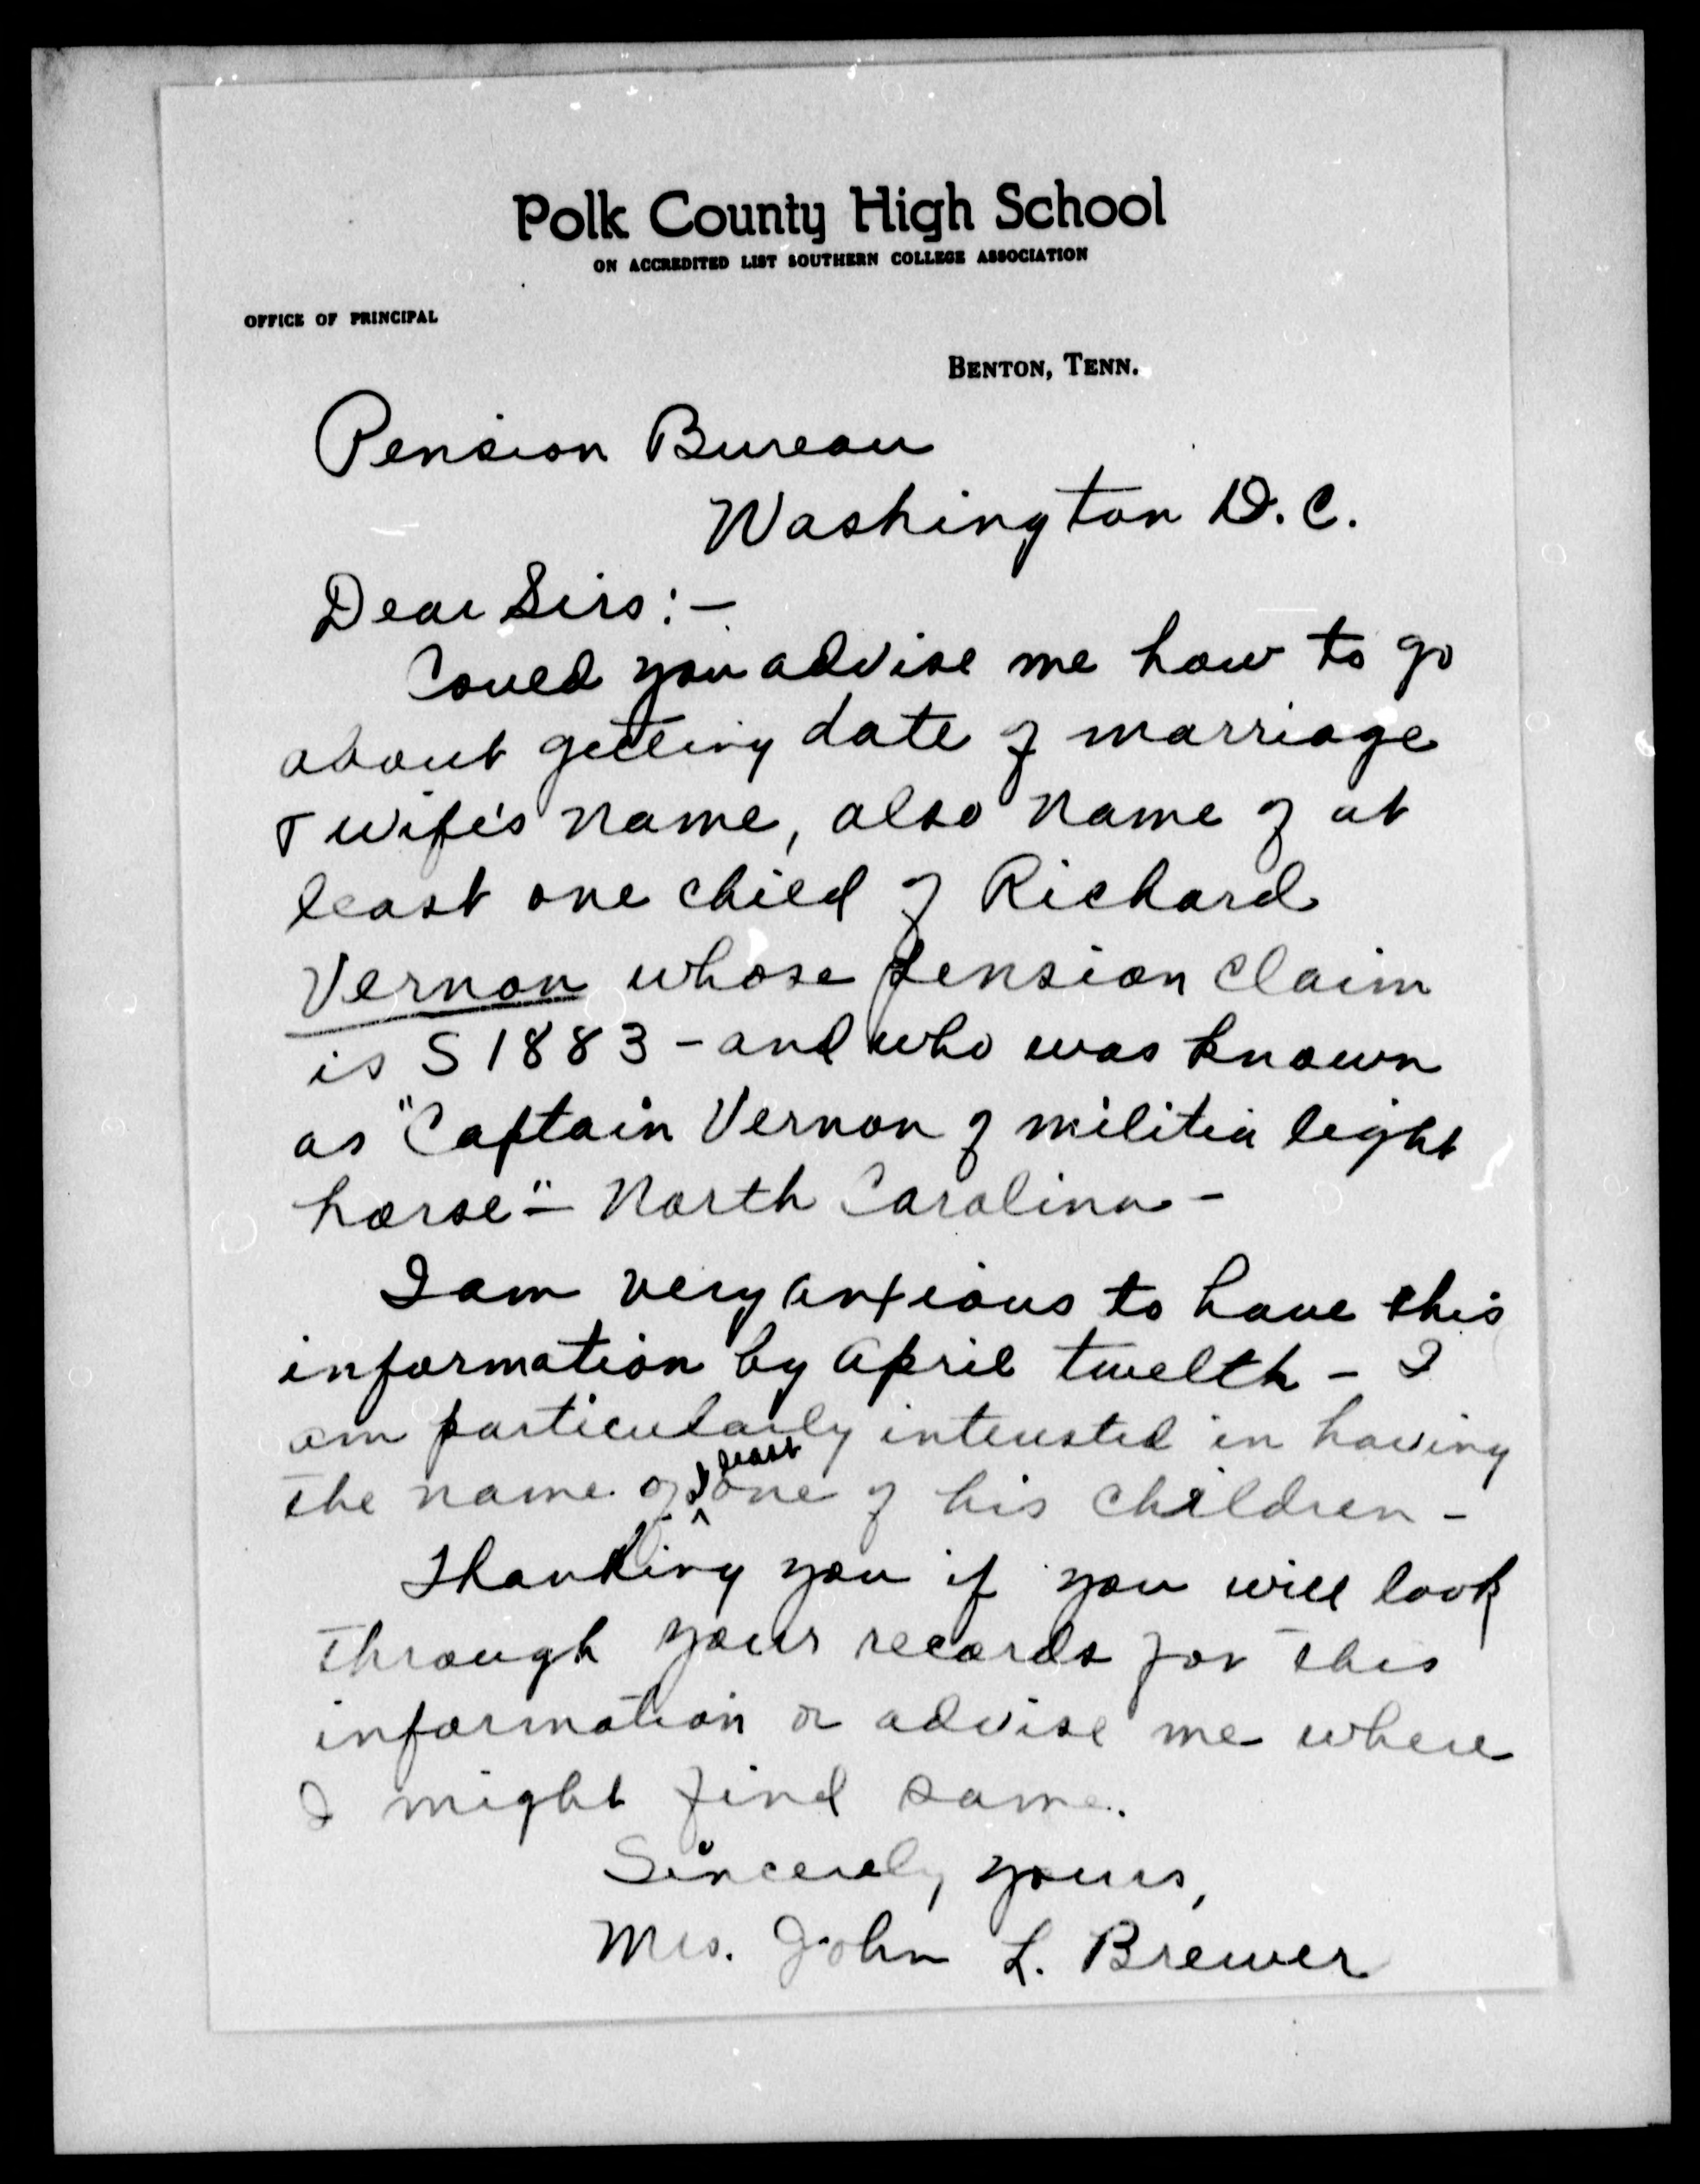Polk County High School
ON ACCREDITED LIST SOUTHERN COLLEGE ASSOCIATION
OFFICE OF PRINCIPAL
BENTON, TENN.

Pension Bureau – 
Washington D. C.

Dear Sirs: -
Could you advise me how to go about getting date of marriage & wife's name, also name of at least one child of Richard Vernon whose pension claim is S1883 - and who was known as "Captain Vernon of militia light horse" - North Carolina -
I am very anxious to have this information by April twelth  - I am particularly interested in having the name of at least on his children - 
Thanking you if you will look through your records for this information or advise me where I might find same.

Sincerely your,
Mrs. John L. Brewer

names: John L Brewer, Vernon, Richard Vernon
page: 95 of 105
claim: survivor's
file: S. 1883, Richard Vernon, N.C.